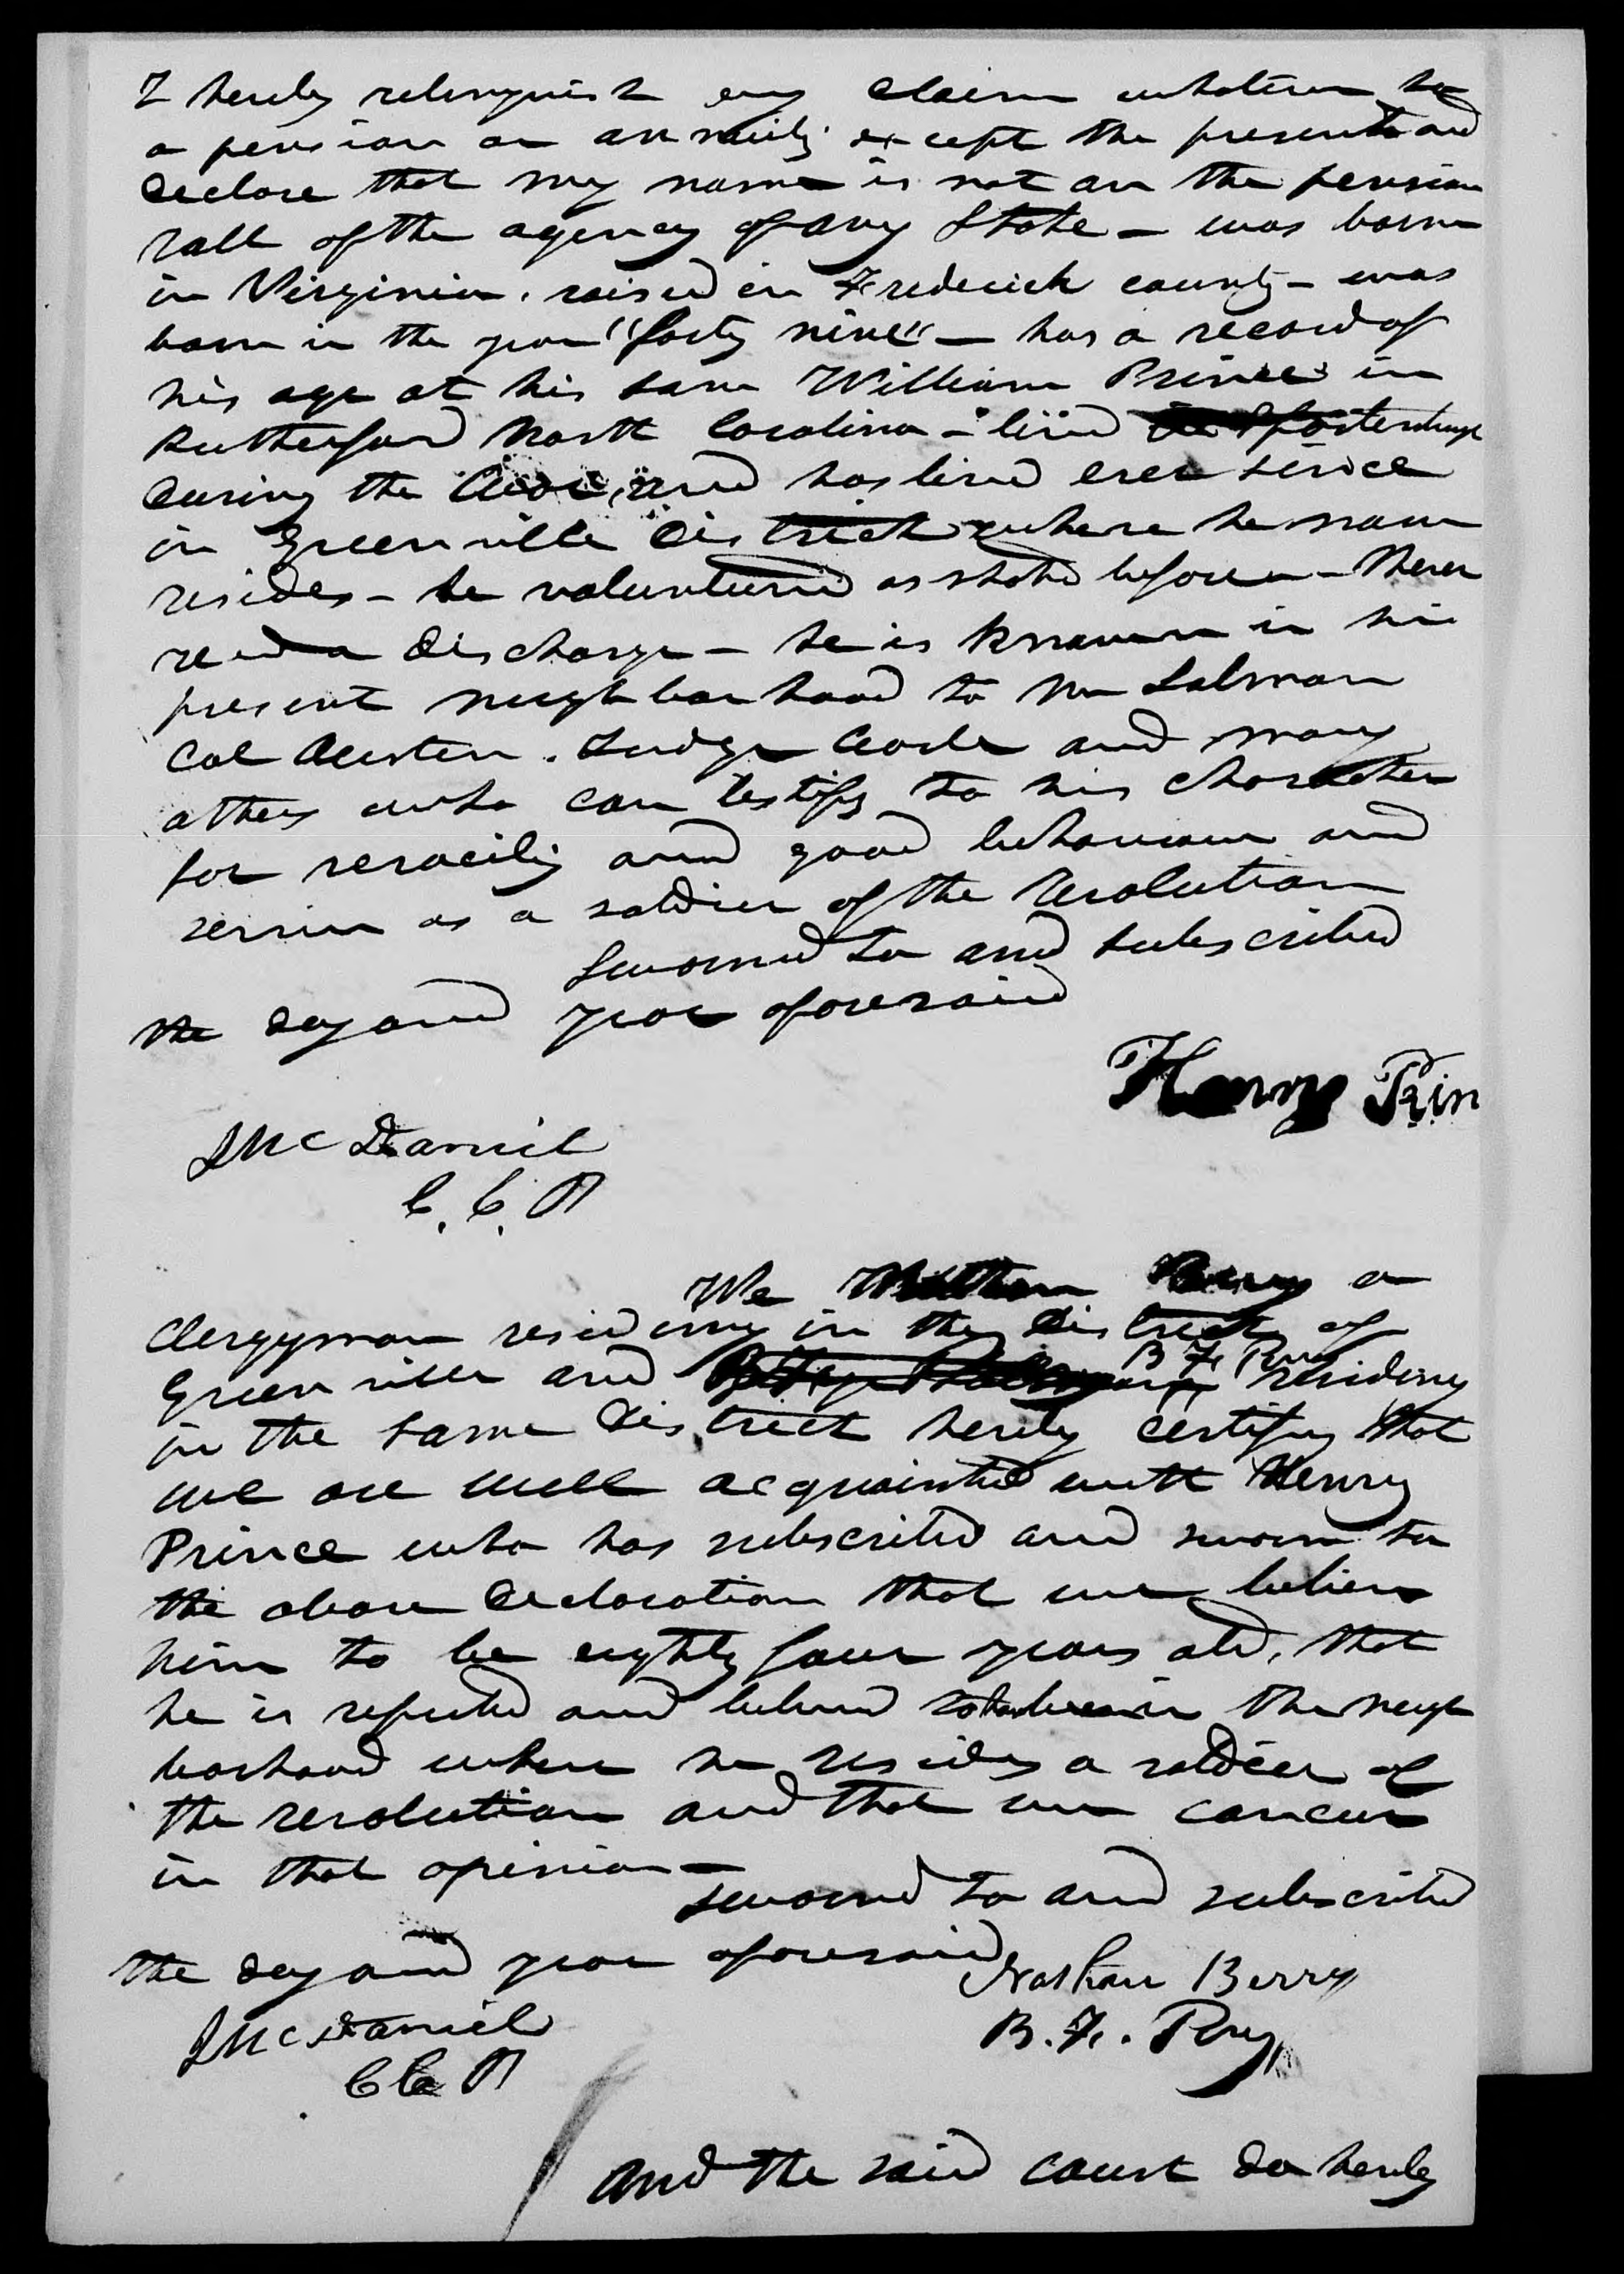I hereby relinquish every claim  whatever fir a pension or annuity except the present and declare that my name is not on the pension roll of the agency of any State - was born in  the year "forty nine "  - has a record of the age at his sons William Prince in Rutherford North Carolina - lived  .. during the  War , and has lived ever since in Greenville  district where he now resides - he volunteered as stated before - never received a discharge - he is known in his present neighborhood to Mr. Salmon, Col Austin, Judge Clock (?) and many others who can testify to his character for veracity and good behavior and   being a soldier of the Revolution. Sworn to and subscribed  the day and year aforesaid.  Henry Prin ( signed )  ( Prince) _  J McDaniel ( signed ) C. C. P.   We Nathan Berry a clergyman  residing in the District of Greenville and  B F Perry  residing in the same district  verily  certify  that we are well acquainted with Henry Price who has subscribed and sworn to the above declaration that we believe him t be eighty four years old, that he is reputed and believed so in the neighborhood where he resides  a soldier of the revolution  and that we concur in that opinion. Sworn to and subscribed the day and year aforesaid.  Nathan Berry ( signed )  B. F. Perry ( Signed )  J McDaniel  ( signed ) C C P And the said Court do hereby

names: Henry Prin; [BLANK] Clock; [BLANK] Austen; J Mc Daniel; Nathan Berry; [BLANK] Salmon; B F Perry; William Prince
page: 5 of 23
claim: survivor's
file: S. 18,168, for Henry Prince, South Carolina